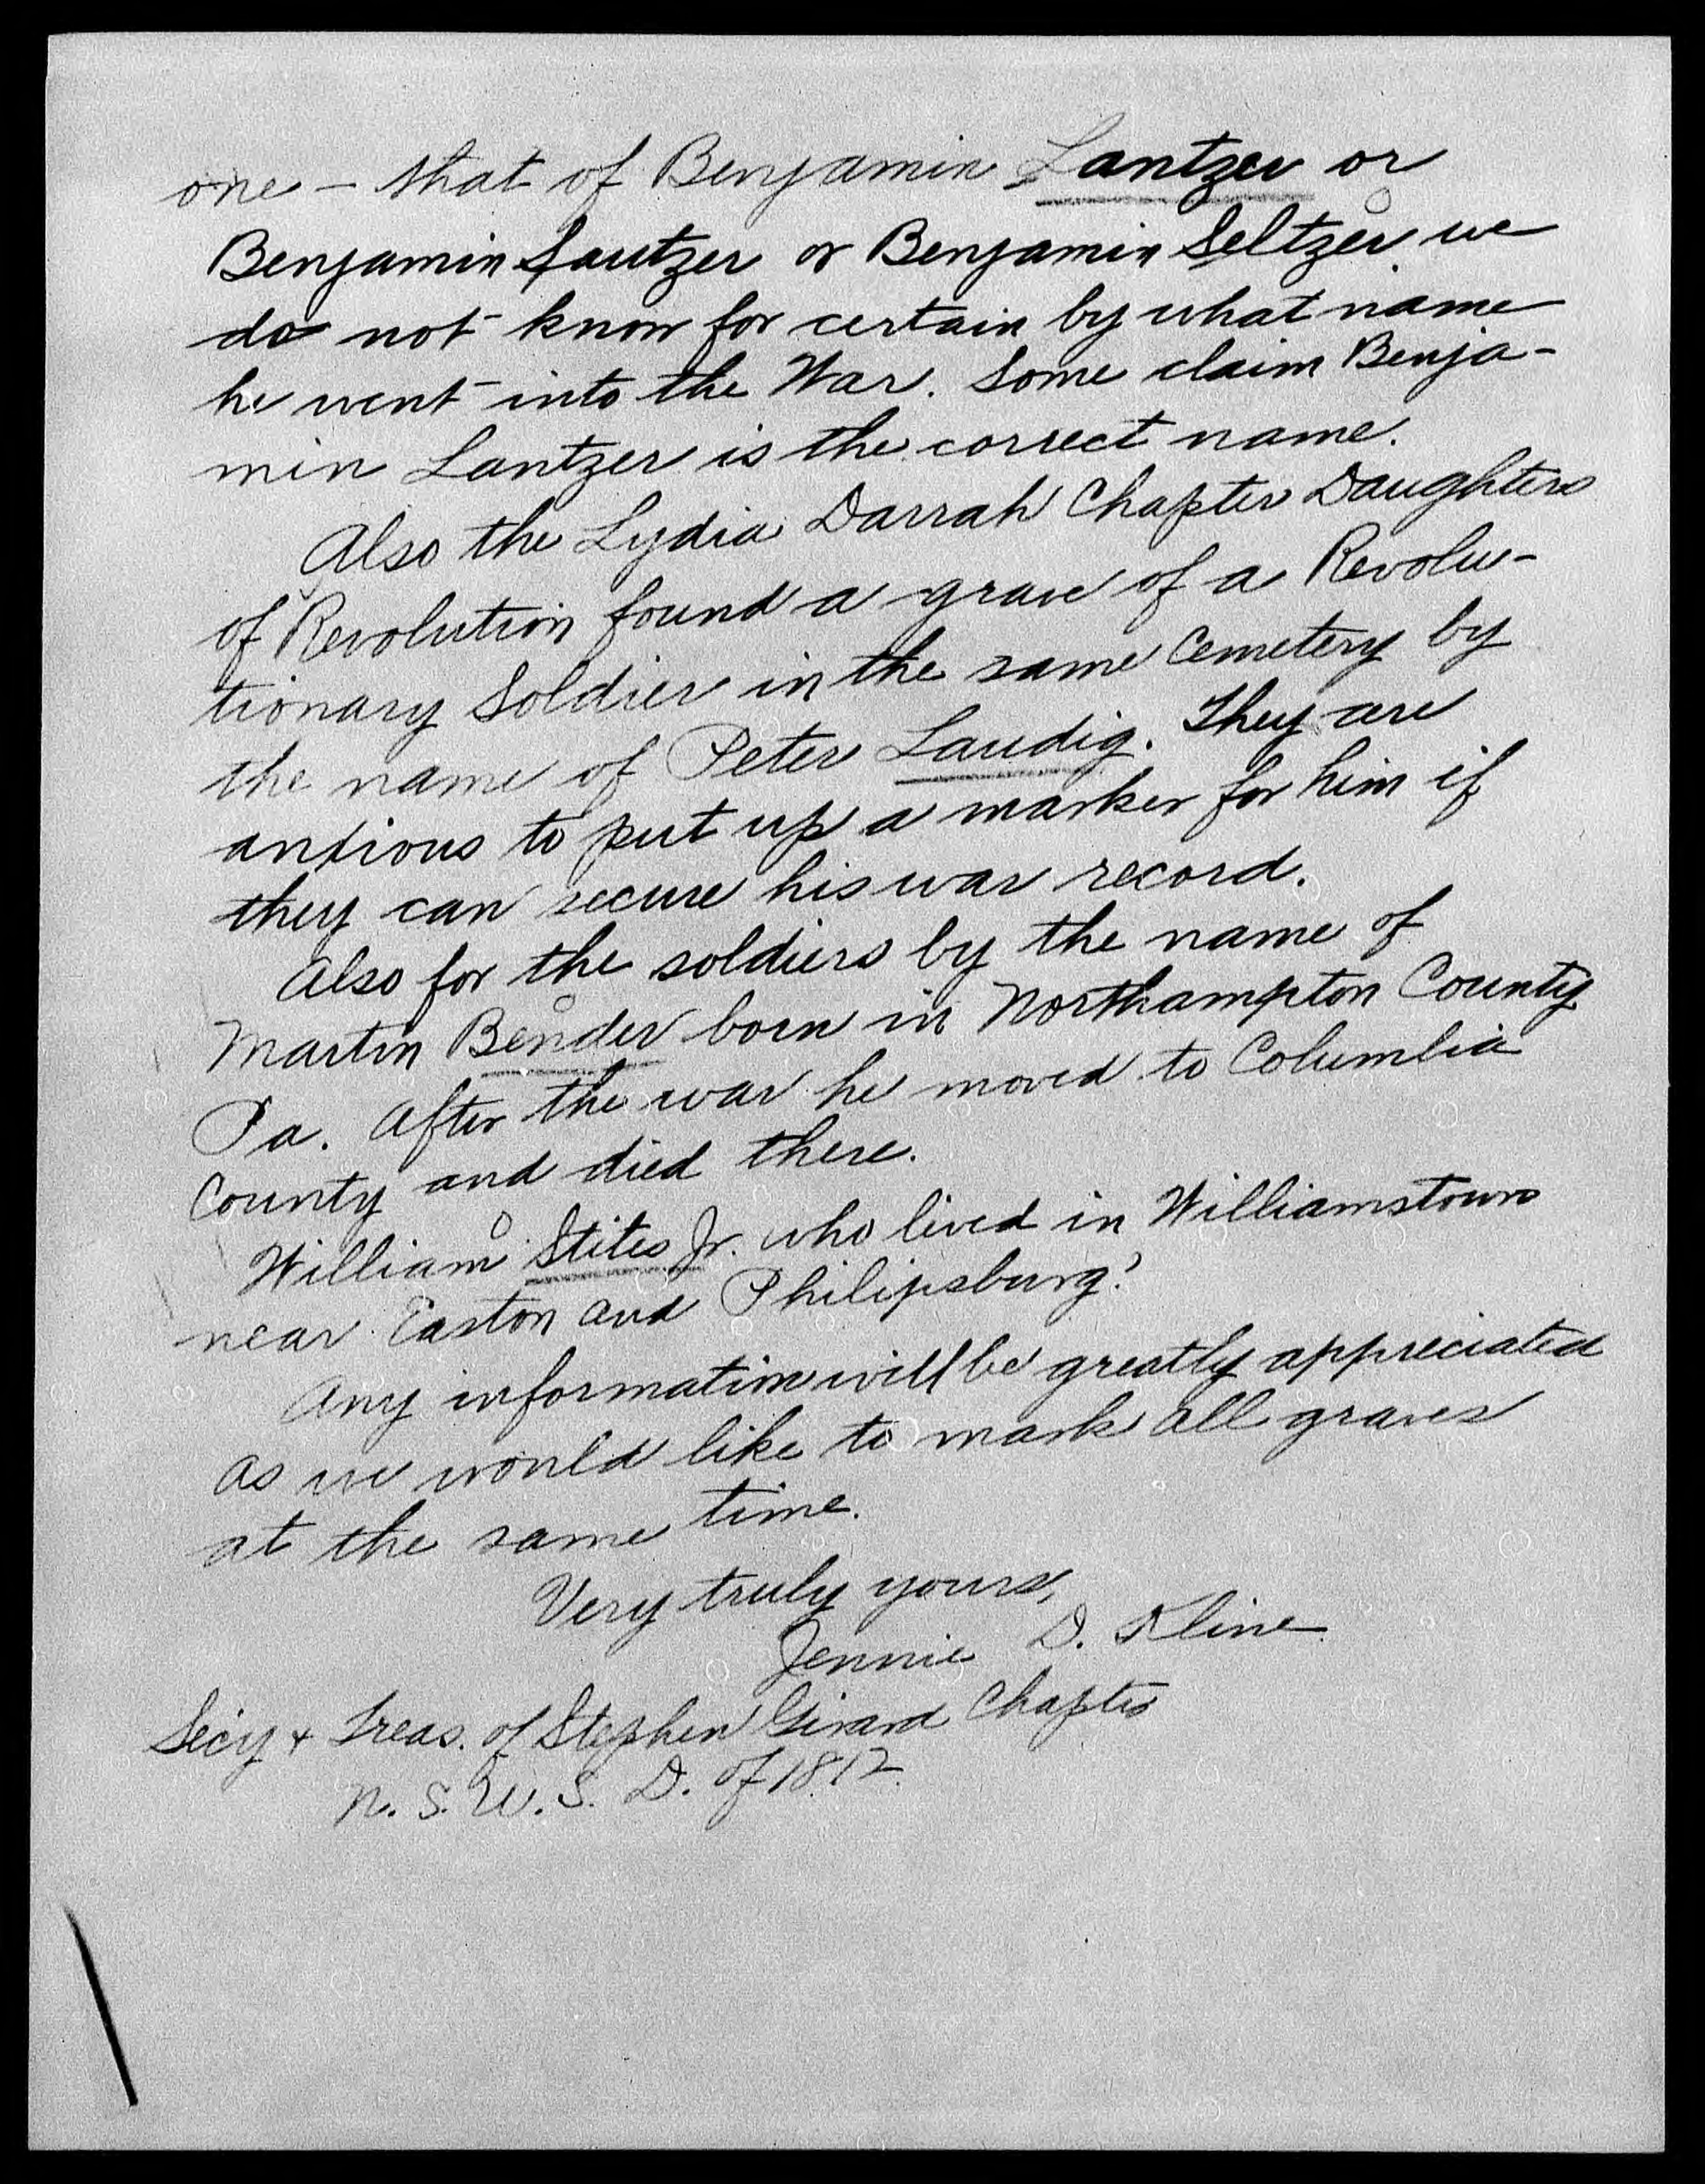one - that of Benjamin Lantzer or Benjamin Sautzer or Benjamin Seltzer we do not know for certain by what name he went into the War.  Some claim Benjamin Lantzer is the correct name.
Also the Lydia Darrah Chapter Daughters of Revolution found a grave of a Revolutionary Soldier in the same cemetery by the name of Peter Laudig.  They are anxious to put up a marker for him if they can secure his war record.
Also for the soldiers by the name of Martin Bender born in Northampton County pa. After the war he moved to Columbia County and died there.
William O. Stites Jr. who lived in Williamstown near Easton and Philipsburg?
Any information will be greatly appreciated as we would like to mark all graves at the same time.
Very truly yours,
Jennie D. Kline
Sec'y & Treas. of Stephen Girard Chapter
N.S.W.S.D. of 1812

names: Benjamin Lantzer; William Stites; Martin Bender; Jennie D Kline; Benjamin Sautzer; Stephen Girard; Peter Laudig; Lydia Darrah; Benjamin Seltzer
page: 15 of 17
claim: survivor's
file: S. 4499, for Peter Ladig, Pennsylvania